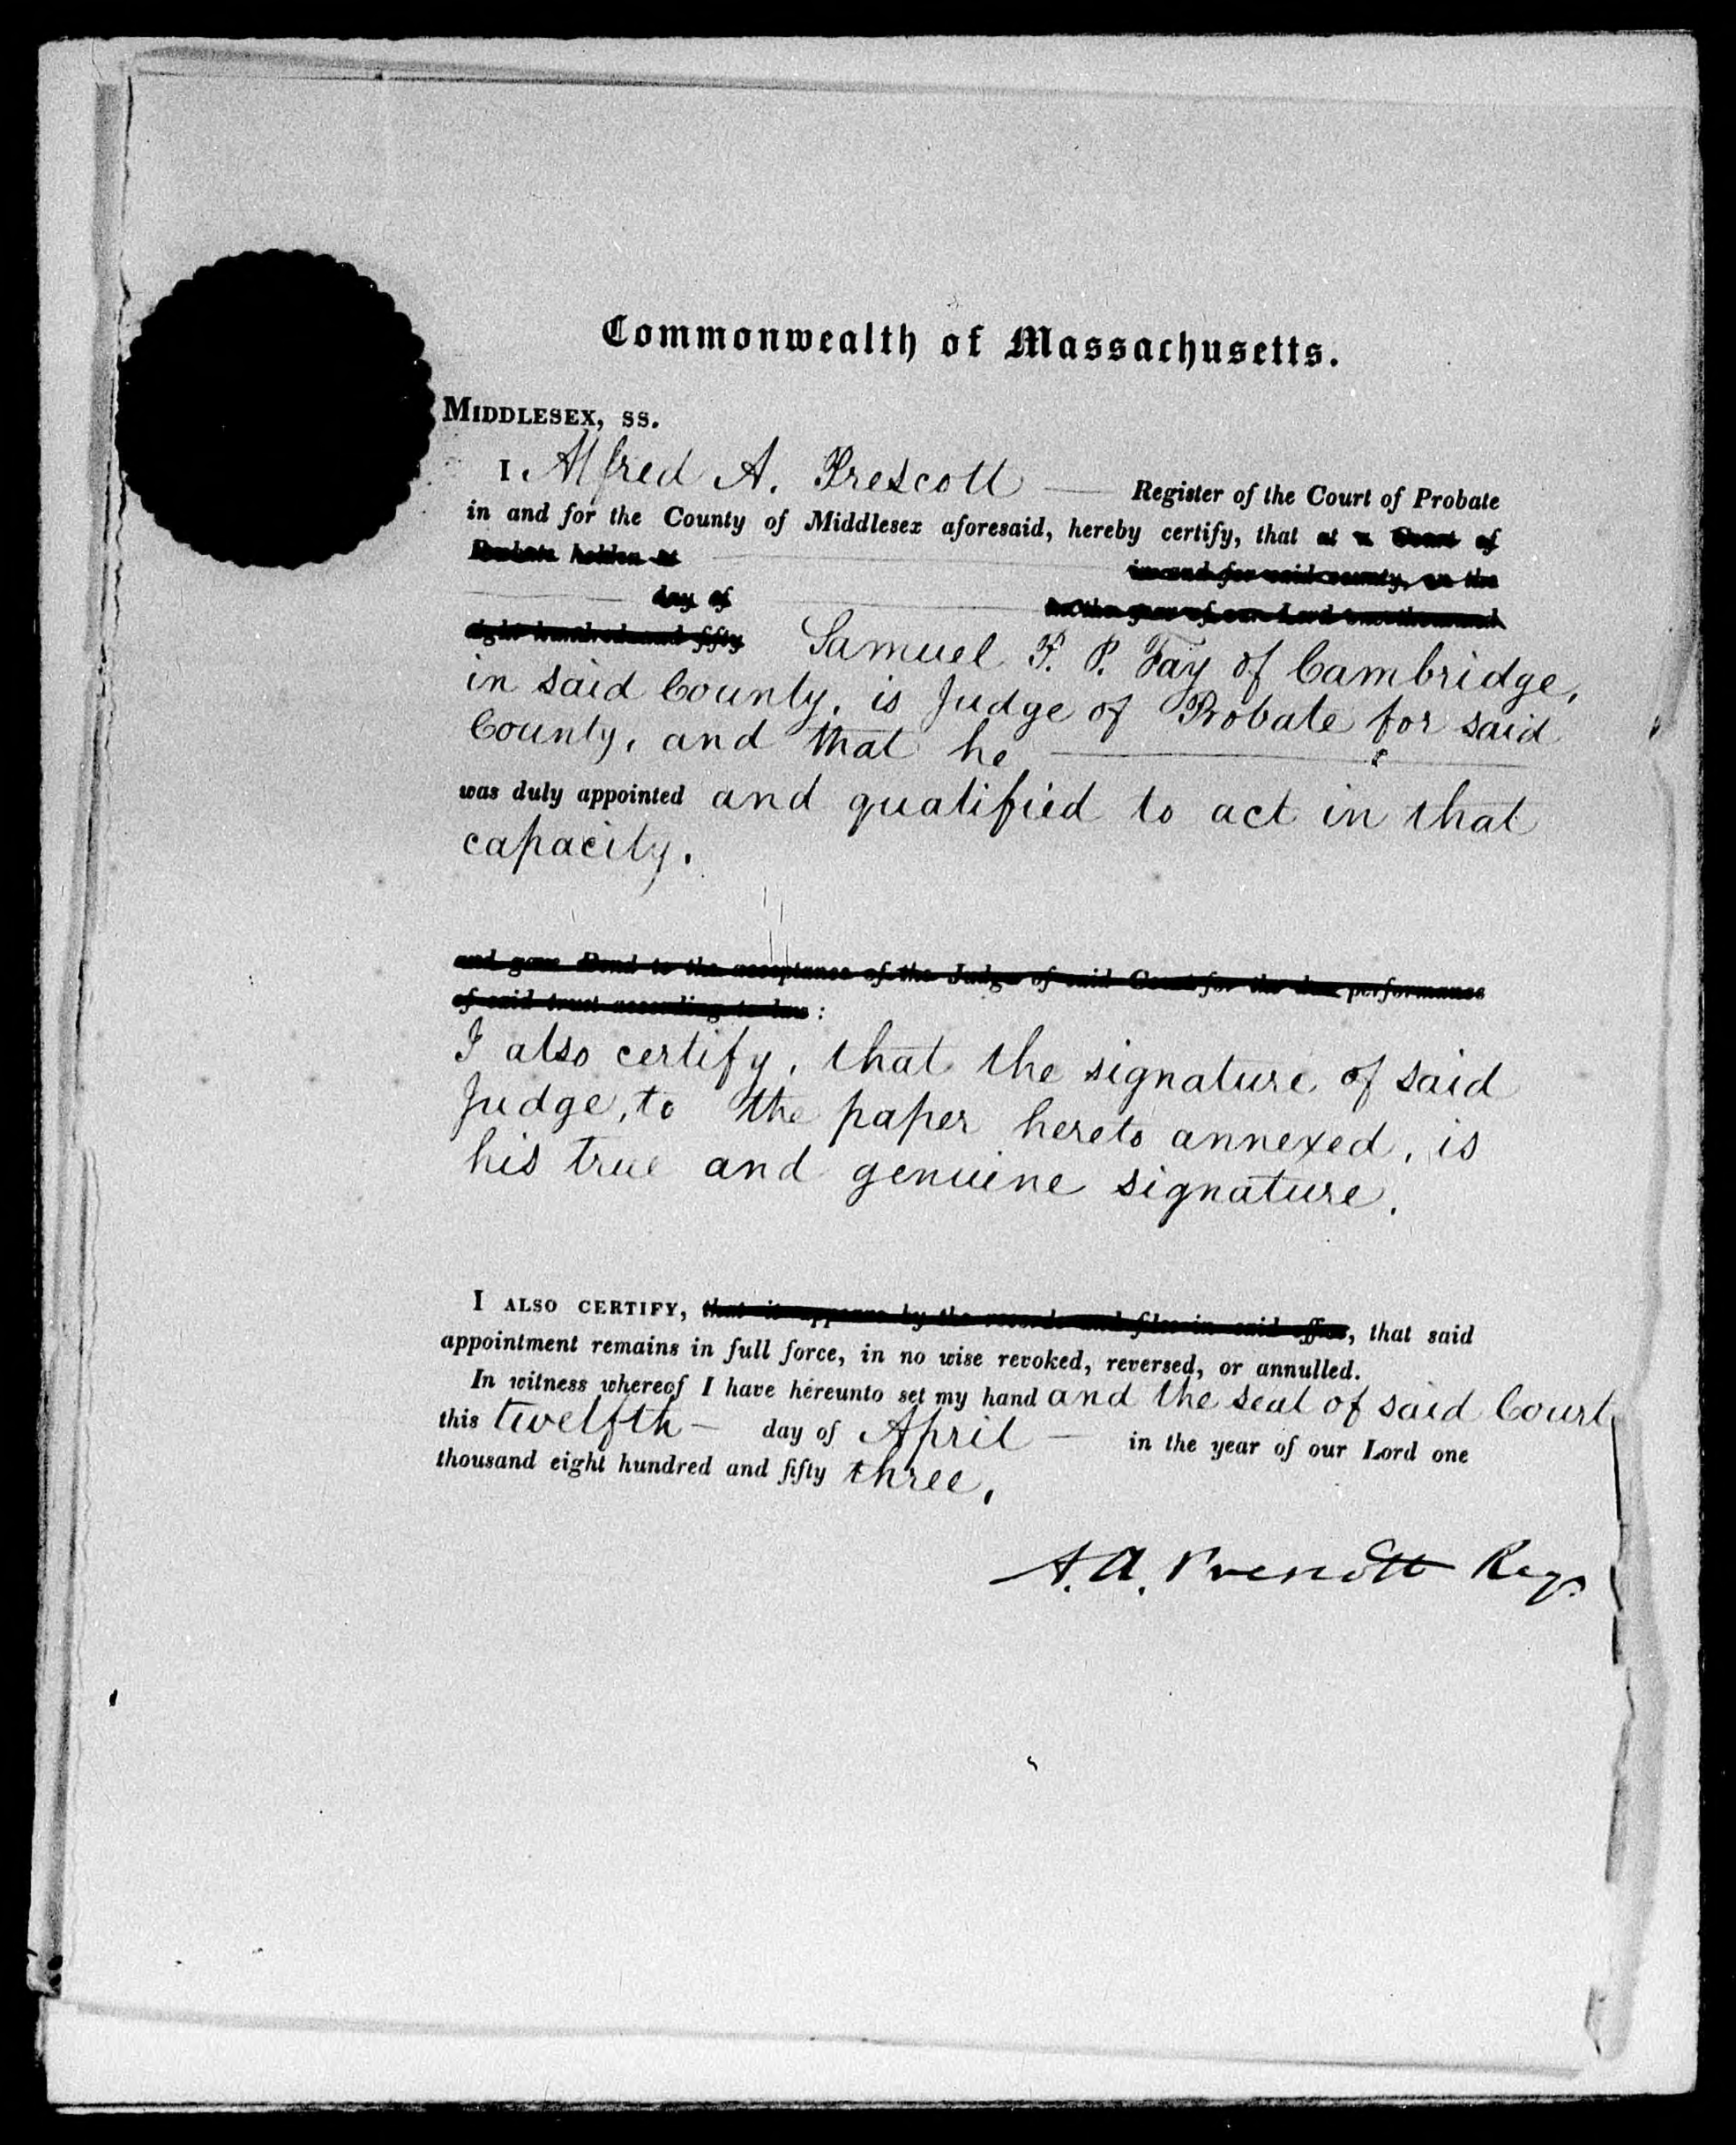Commonwealth of Massachusetts.
MIDDLESEX, ss.
I Alfred A. Prescott Register of the Court of Probate in and for the County of Middlesex aforesaid, hereby certify, that [several illegible lines crossed out] Samuel P. P. Fay of Cambridge in said County, is Judge of Probate for said County, and that he was duly appointed and qualified to act in that capacity.
[illegible line crossed out]
I also certify, that the signature of said Judge, to the paper hereto annexed, is his true and genuine signature.
I ALSO CERTIFY, [line crossed out], that said appointment remains in full force, in no wise revoked, reversed, or annulled.
In witness whereof I have hereunto set my hand and the seal of said Court this twelfth day of April in the year of our Lord one thousand eight hundred and fifty three.
A. A.  Prescott Regr.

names: Alfred A Prescott, A A Prescott, Samuel P P Fay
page: 13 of 47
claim: widow's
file: W. 7,302, John Foster, Continental Mass. R.I.